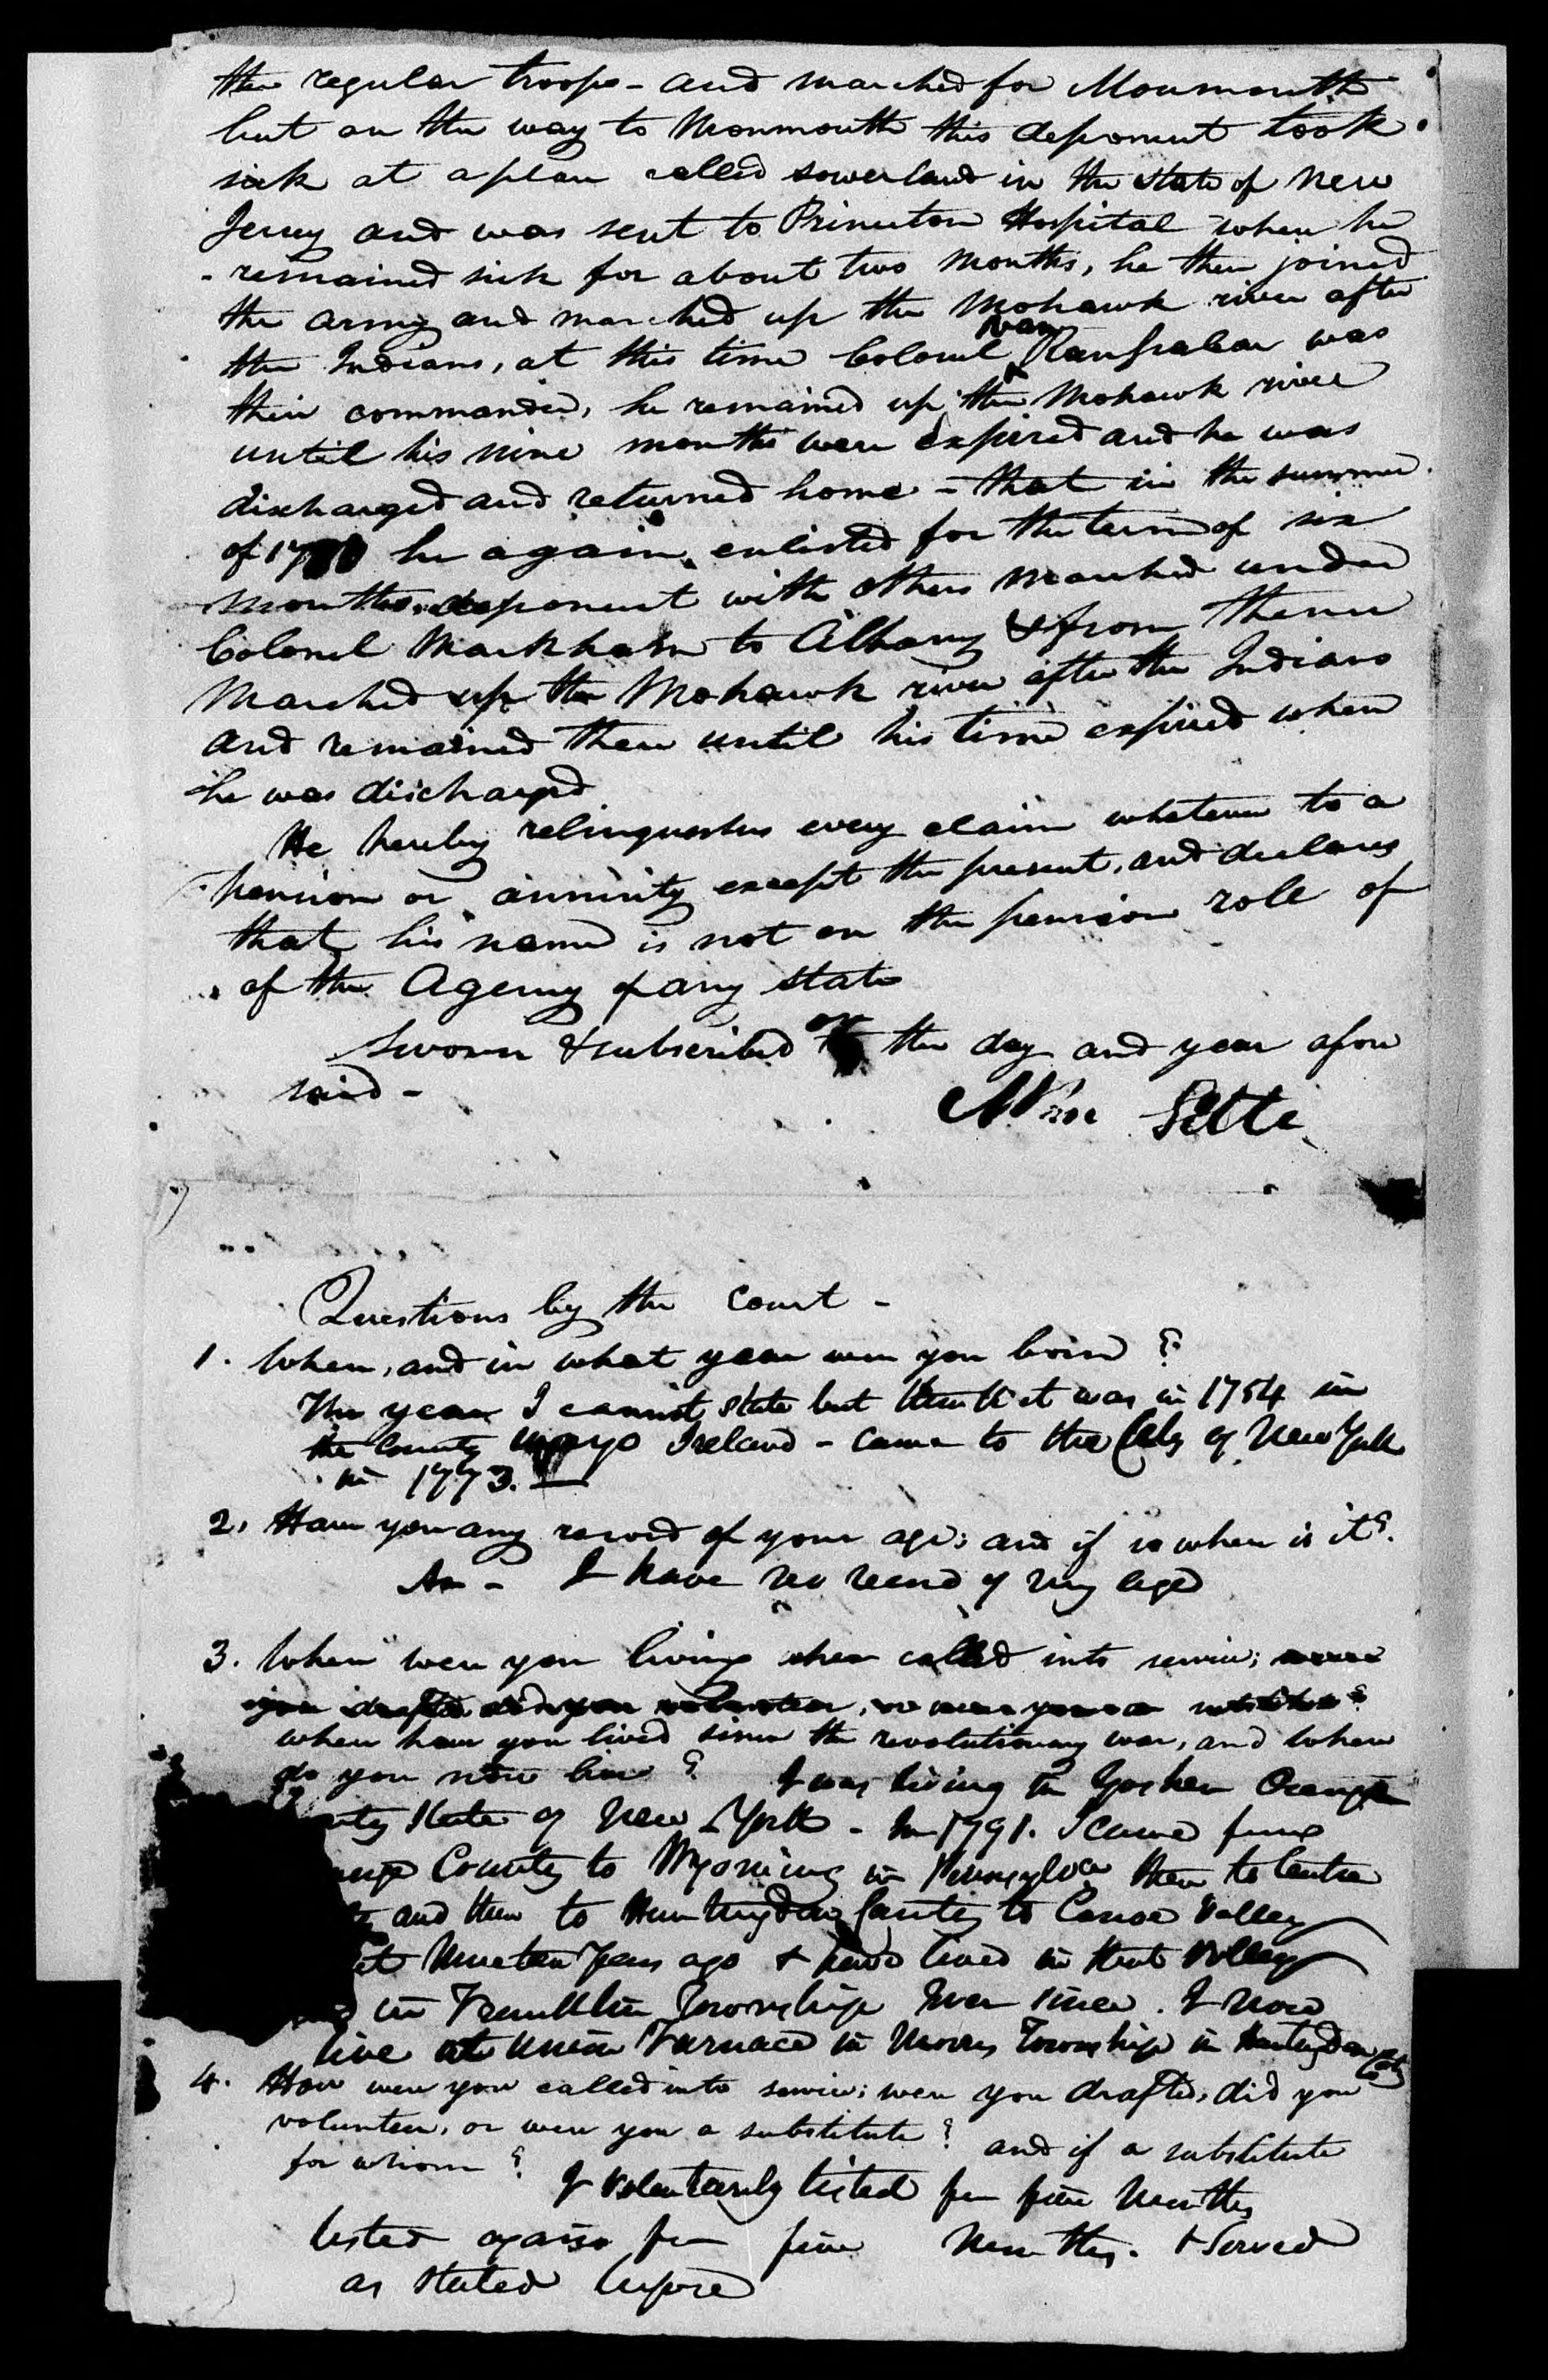the regular troops and marched for Monmouth
but on the way to Monmouth this deponent took sick at a place called Sourland in the State of New Jersey and was sent to Princeton Hospital where he remained sick for about two months, he then joined the army and marched up the Mohawk river after the Indians, at this time Col. Van Rensselaer was their commander, he remained up the Mohawk river until his nine months were expired and he was discharged and returned home -- that in the summer
of 1780 he again enlisted for the time of six
months. deponent with others marched under
Colonel Markham to Albany & from thence
Marched up the Mohawk river after the Indians
and remained there until his time expired when
he was discharged.
He hereby relinquishes every claim whatever to a pension or annuity except the present, and declares that his name is not on the pension roll of of the Agency of any State
Sworn & subscribed the day and year aforesaid
[signed] Wm Litle

Questions by the Court
1. When and in what year were you born?
the year I cannot state but think it was in 1754 in the County Mayo Ireland, came to the City of New York in 1773.
2.  Have you any record of your age; and if so, where is it?
Ans. I have no record of my age
3.  Where were you living when called into service; were you drafted, did you volunteer, or were you a substitute and where have you lived since the Revolutionary War and where do you now live?
Ans. I was living in Goshen, Orange County, State of New York. In 1791 I came from 
Orange County to Wyoming in Pennsylvania then to Centre [County?] and then to Huntingdon County to Canoe Valley about nineteen years ago & have lived in that valley [illegible] in in Huntington County ever since.  I now live at Union Furnace in Morris township in Huntington County.
4.  How were you called into service; were you drafted, did you volunteer, or were you a substitute?  and if a substitute for whom?
Ans. I voluntarily listed for five months,
listed again for five months & served
as stated before.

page: 6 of 24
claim: survivor's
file: S. 13810, for William Lytle, New York